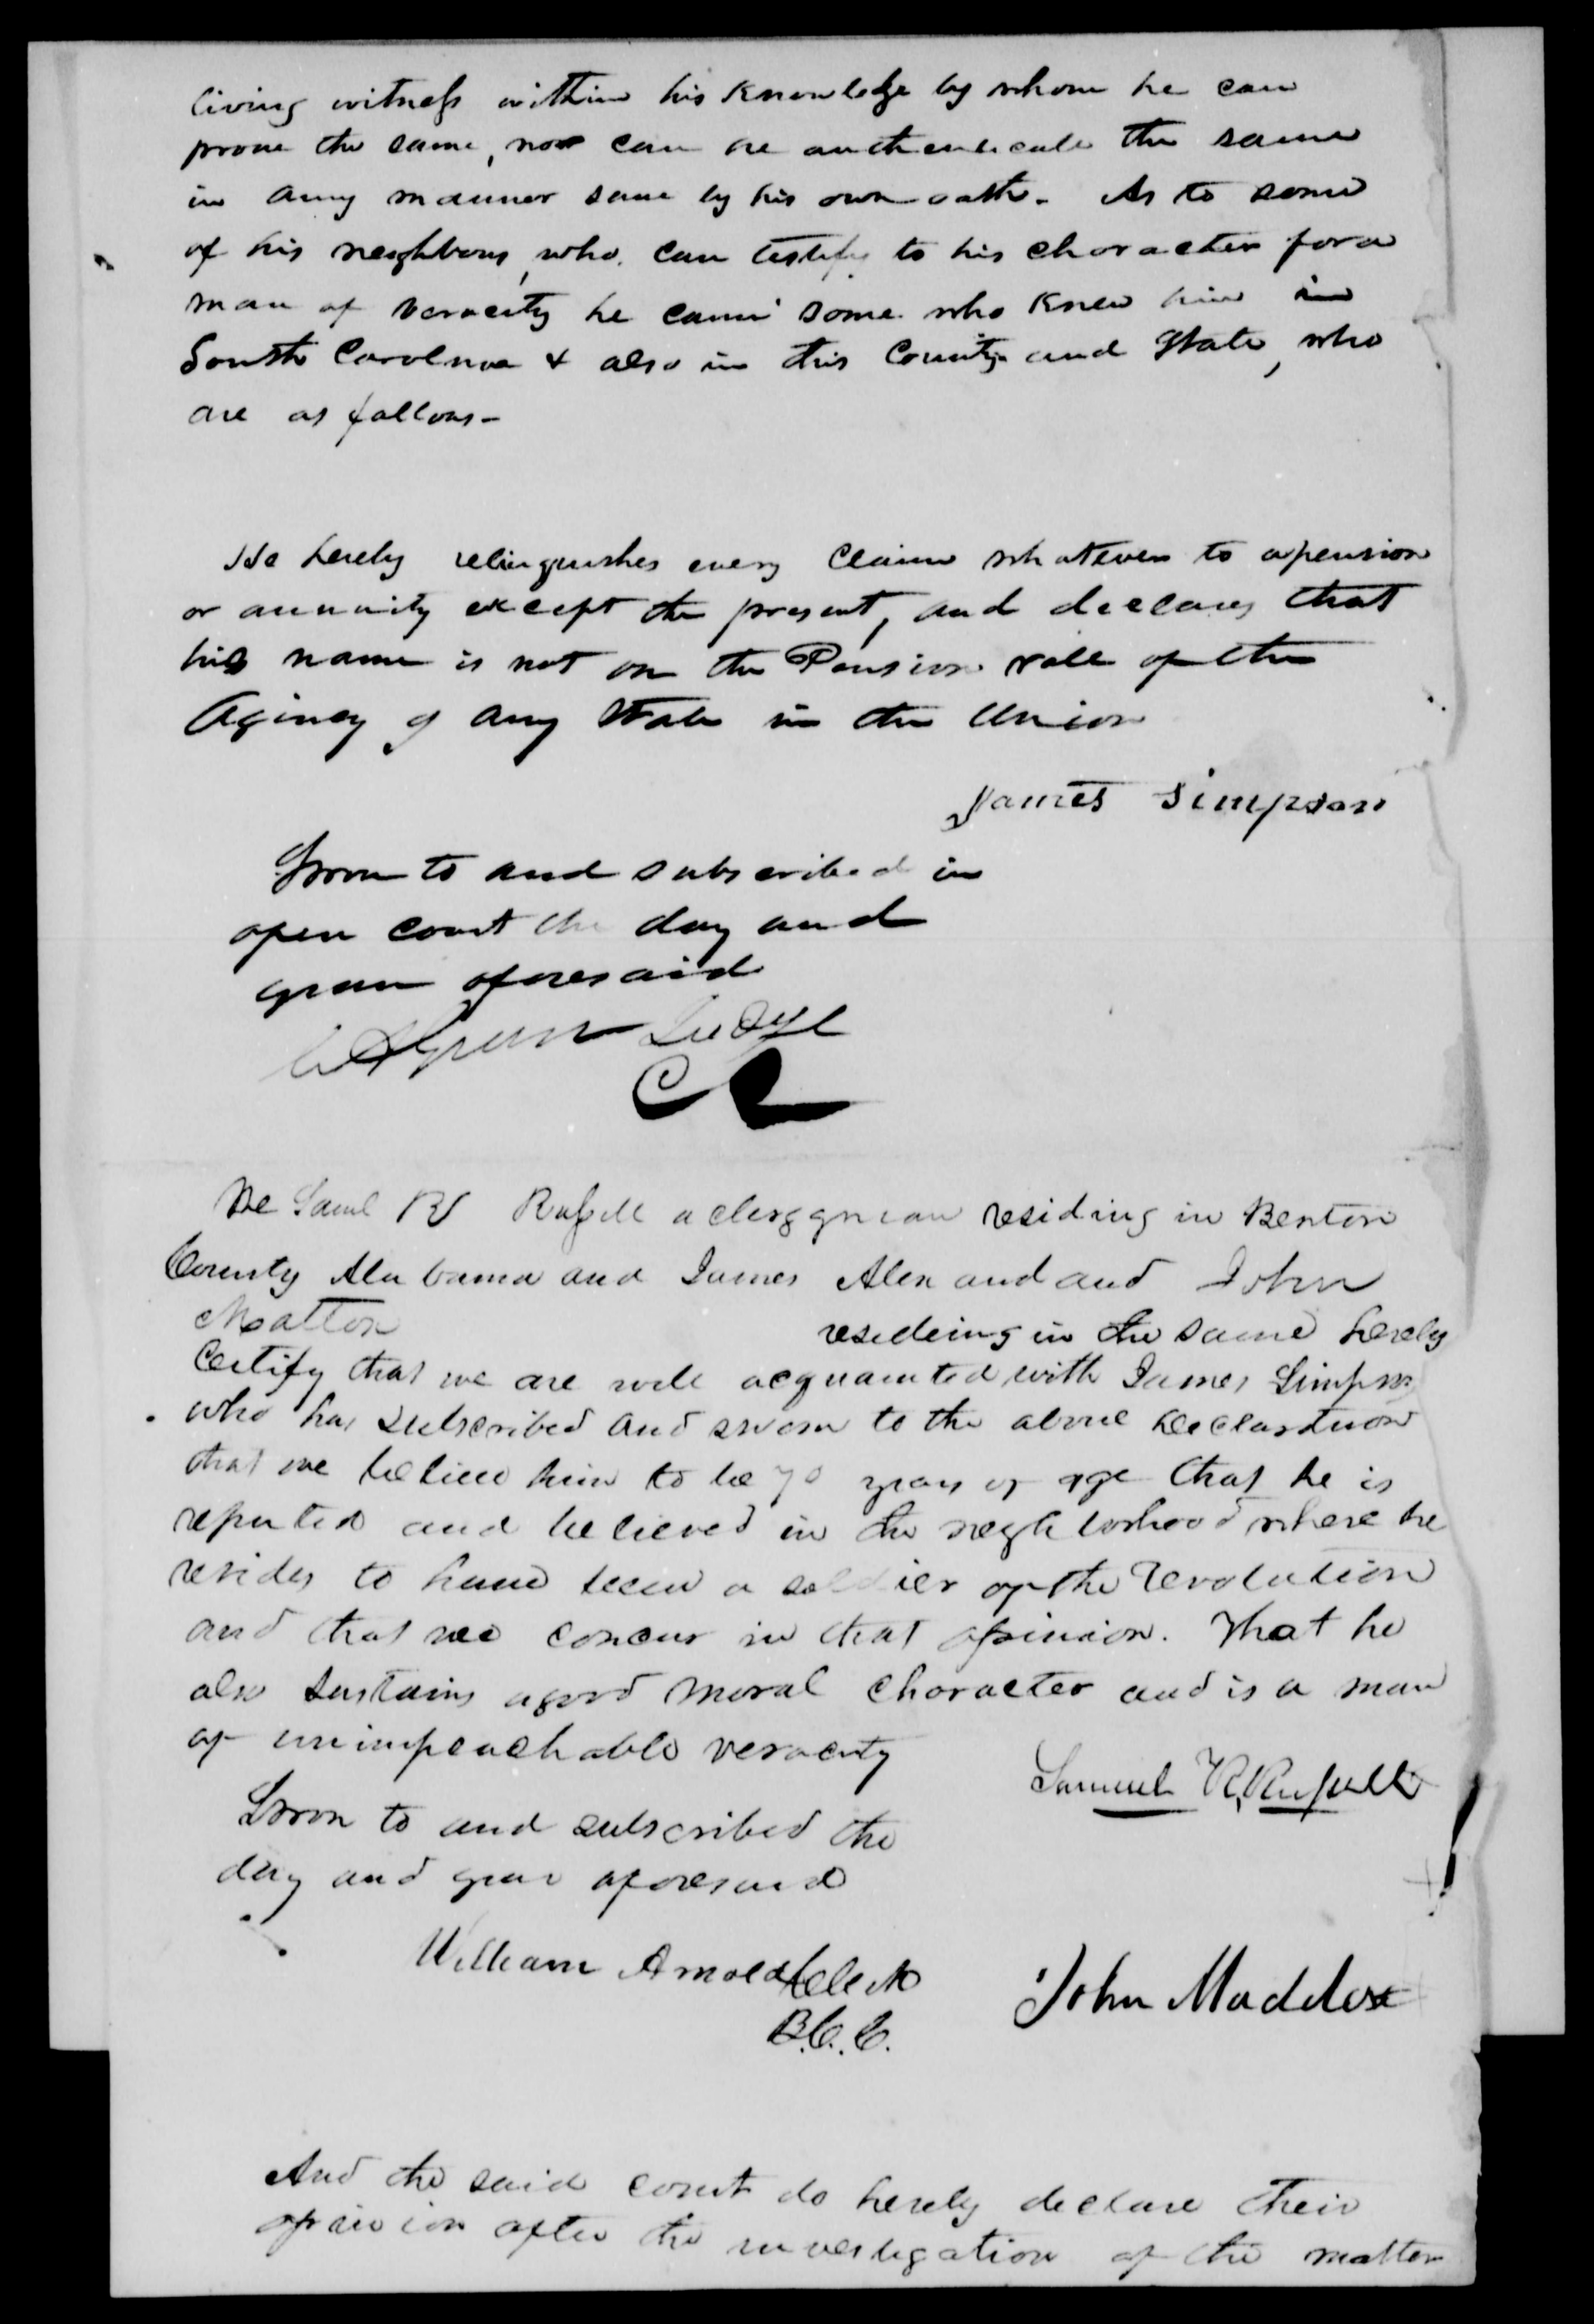He hereby relinquishes every Claim whatever to a pension or annuity except the present, and declares that his name is not on the Pension roll of this Agincy of any state in this Union
     James Simpson
Sworn to and subscribed in open court the day and year aforesaid
   J A Green Judge

We  Saml R Russell a clergyman residing in Benton County Alabama and James Alexand and John Matton certify that we are well acquainted with James Simpson who has subscribed and sworn to the above Declarations that we believe him to be 70 years of age that he is reputed and believed in the neighborhood where he resides to have been a soldier of the Revolution and that we concur in that opinion.  That he also sustains a good moral character and is a man of unimpeachable veracity.
     Samuel R. Russell
Sworn to and subscribed the day year aforesaid
William Arnold/Clerk     John Maddox
      B.C.C.
And the said court do hereby declare their opinion after the investigation of the matter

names: Saml R Russell; Samuel R Russell; J A Green; John Maddox; James Alen; William Arnold; James Simpson; James Simpson; John Matton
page: 7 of 17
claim: survivor's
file: S. 11401, for James Simpson, South Carolina